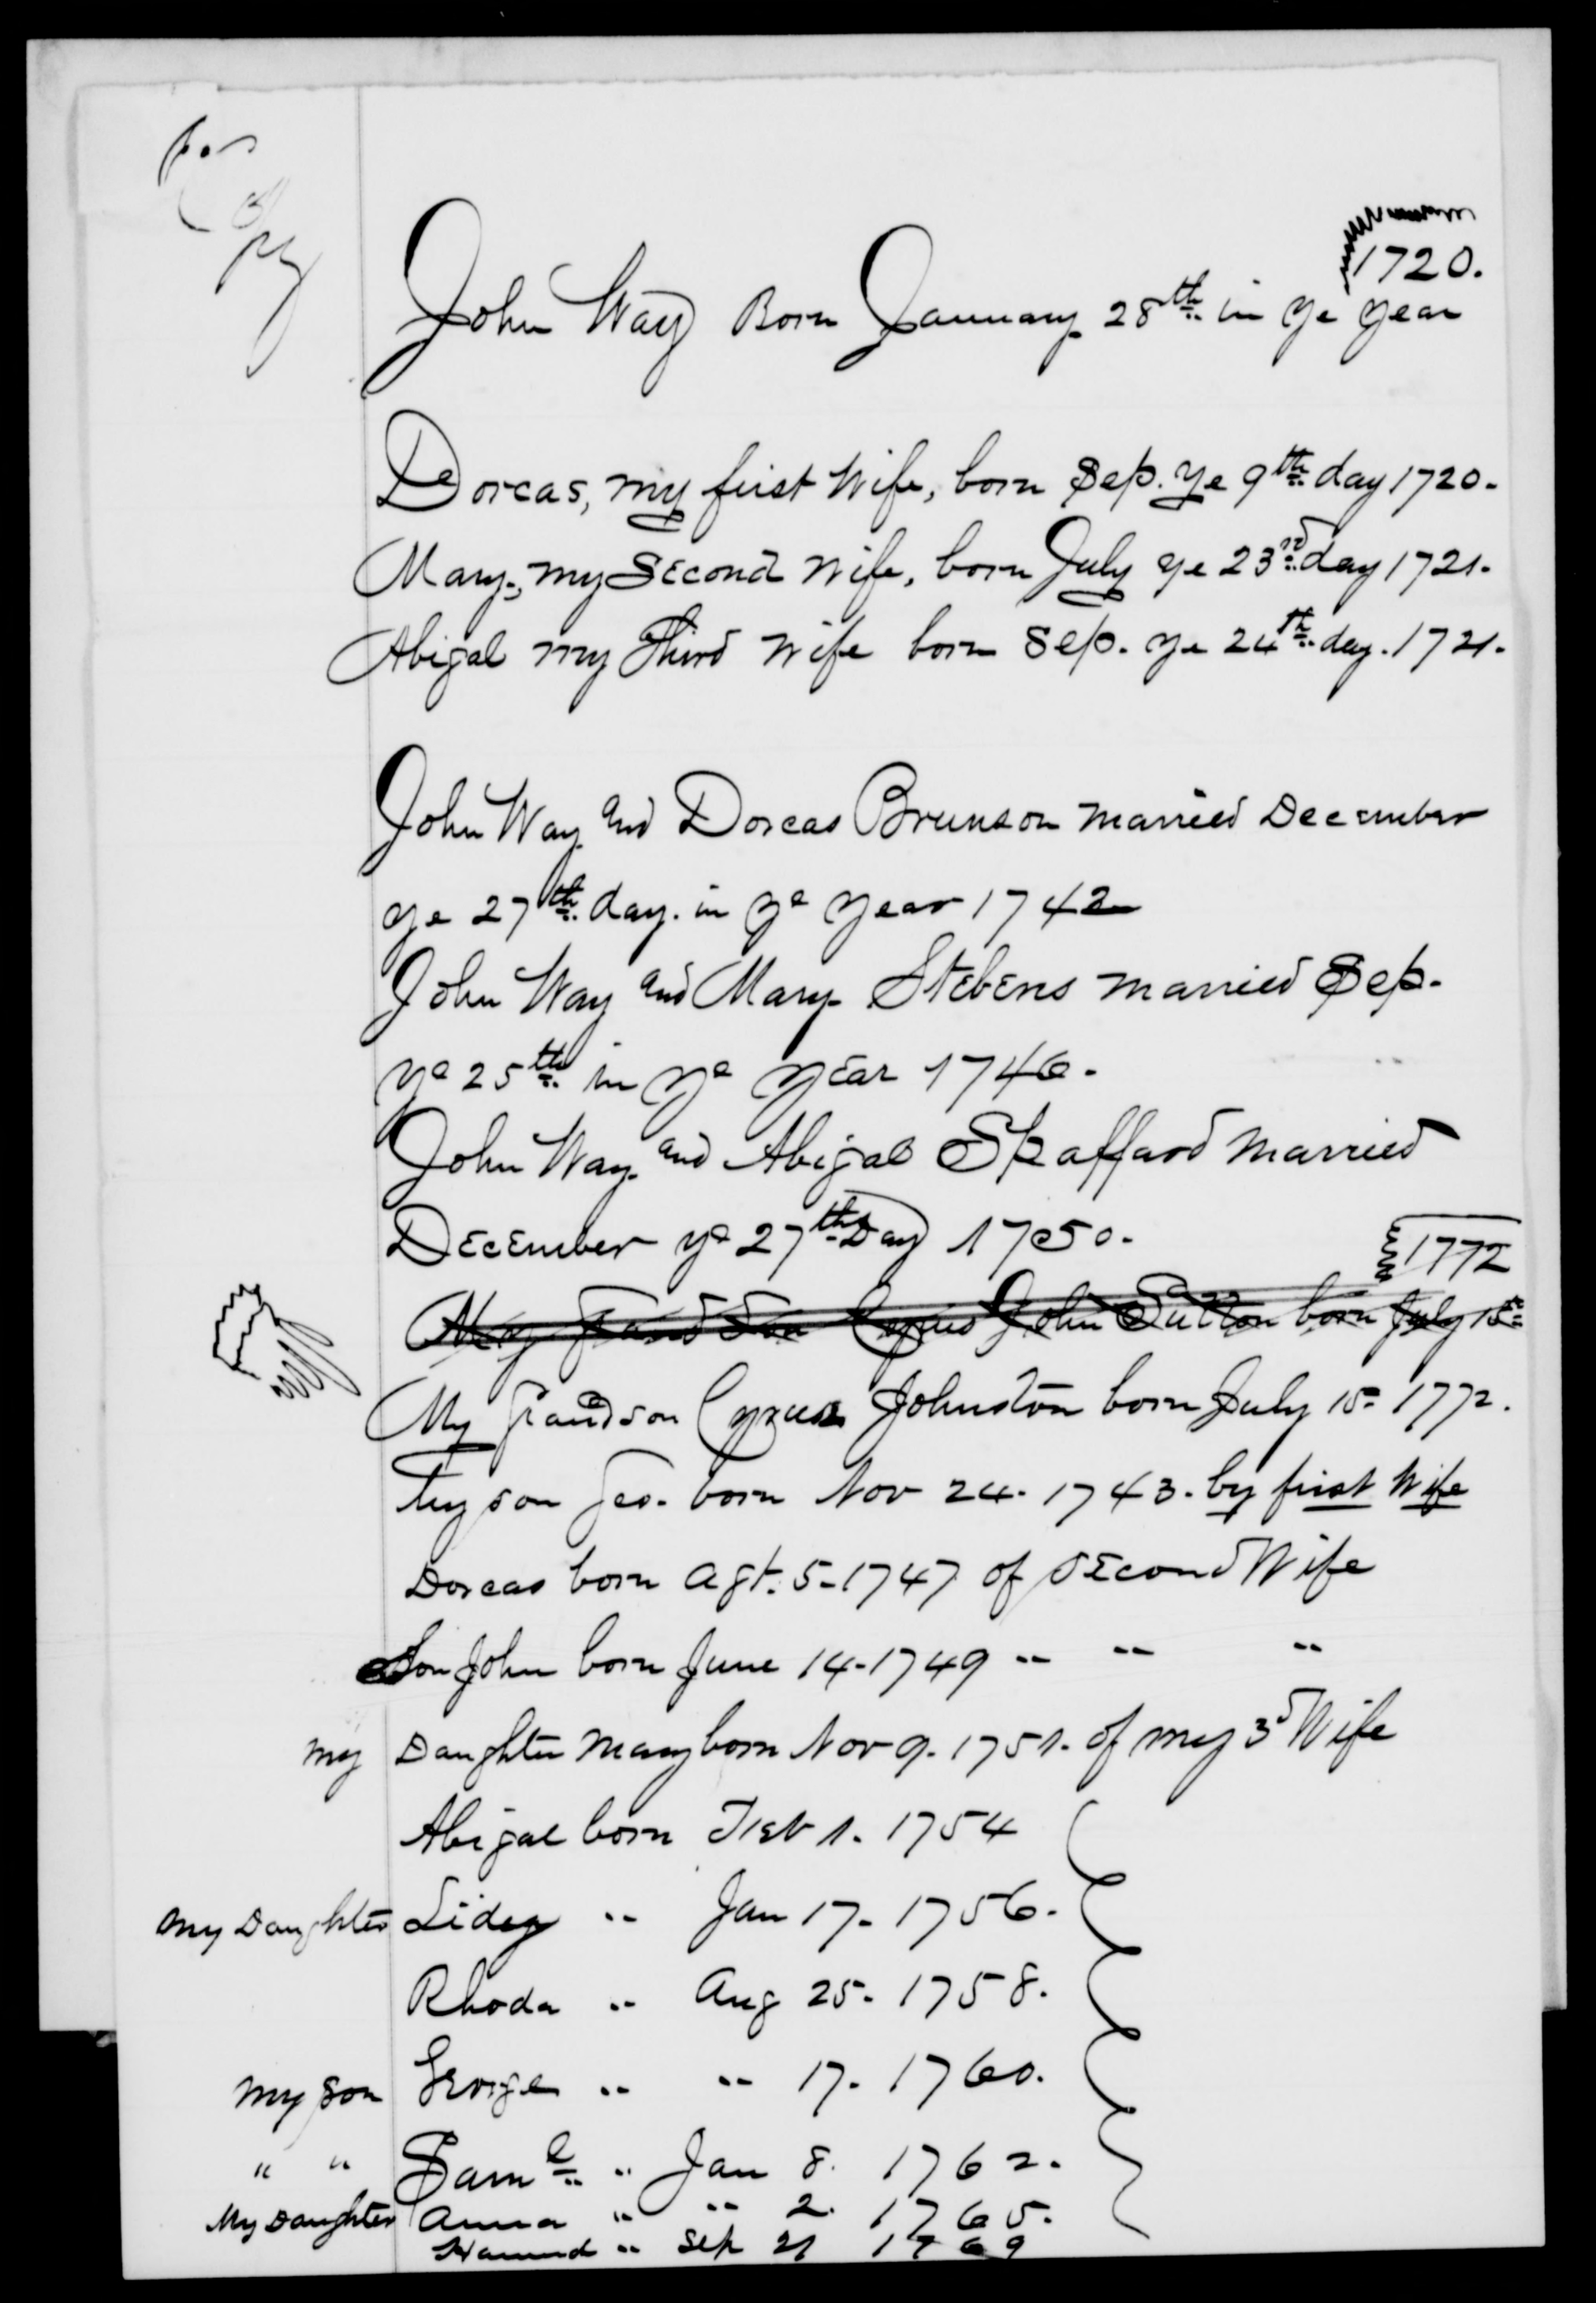John Way Born January 28th in ye year 1720
Dorcas, my first wife, born Sep ye 9th day 1720
Mary, my second wife, born July ye 23rd day 1721
Abigal my Third wife born Sep. ye 24th day 1721
John Way and Dorcas Brunson Married December ye 27th day in ye year 1742
John Way and Mary Stebens married Sep ye
25th in ye year 1746
John Way and Abigal Spafford Married
December ye 27th Day 1750
my Grandson Cyrus Johnston born July 15 1772
my son Geo. born Nov 24 1743 by first wife
Dorcas born Agt. 5-1747 of second wife
Son John born June 14-1749-
my Daughter Mary born Nov 9. 1751 of my 3d Wife
Abigal born Feb 1. 1754
my daughter Lidey Jan 17. 1756
Rhoda - Aug 25, 1758
my son George -Aug 17. 1760
Saml Jan 8. 1762.
my daughter Anna Jan 2 1765
Hannah Sep 21 1769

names: Abigal, Mary Stebens, Abigal Spafford, Dorcas Brunson, Lidy, Mary, George, Hannah, Anna, John Sutton, Dorcas, Cyrus Johnston, Saml, John Way, Rhoda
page: 11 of 78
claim: widow's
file: W. 25856, Samuel Way, N.H.